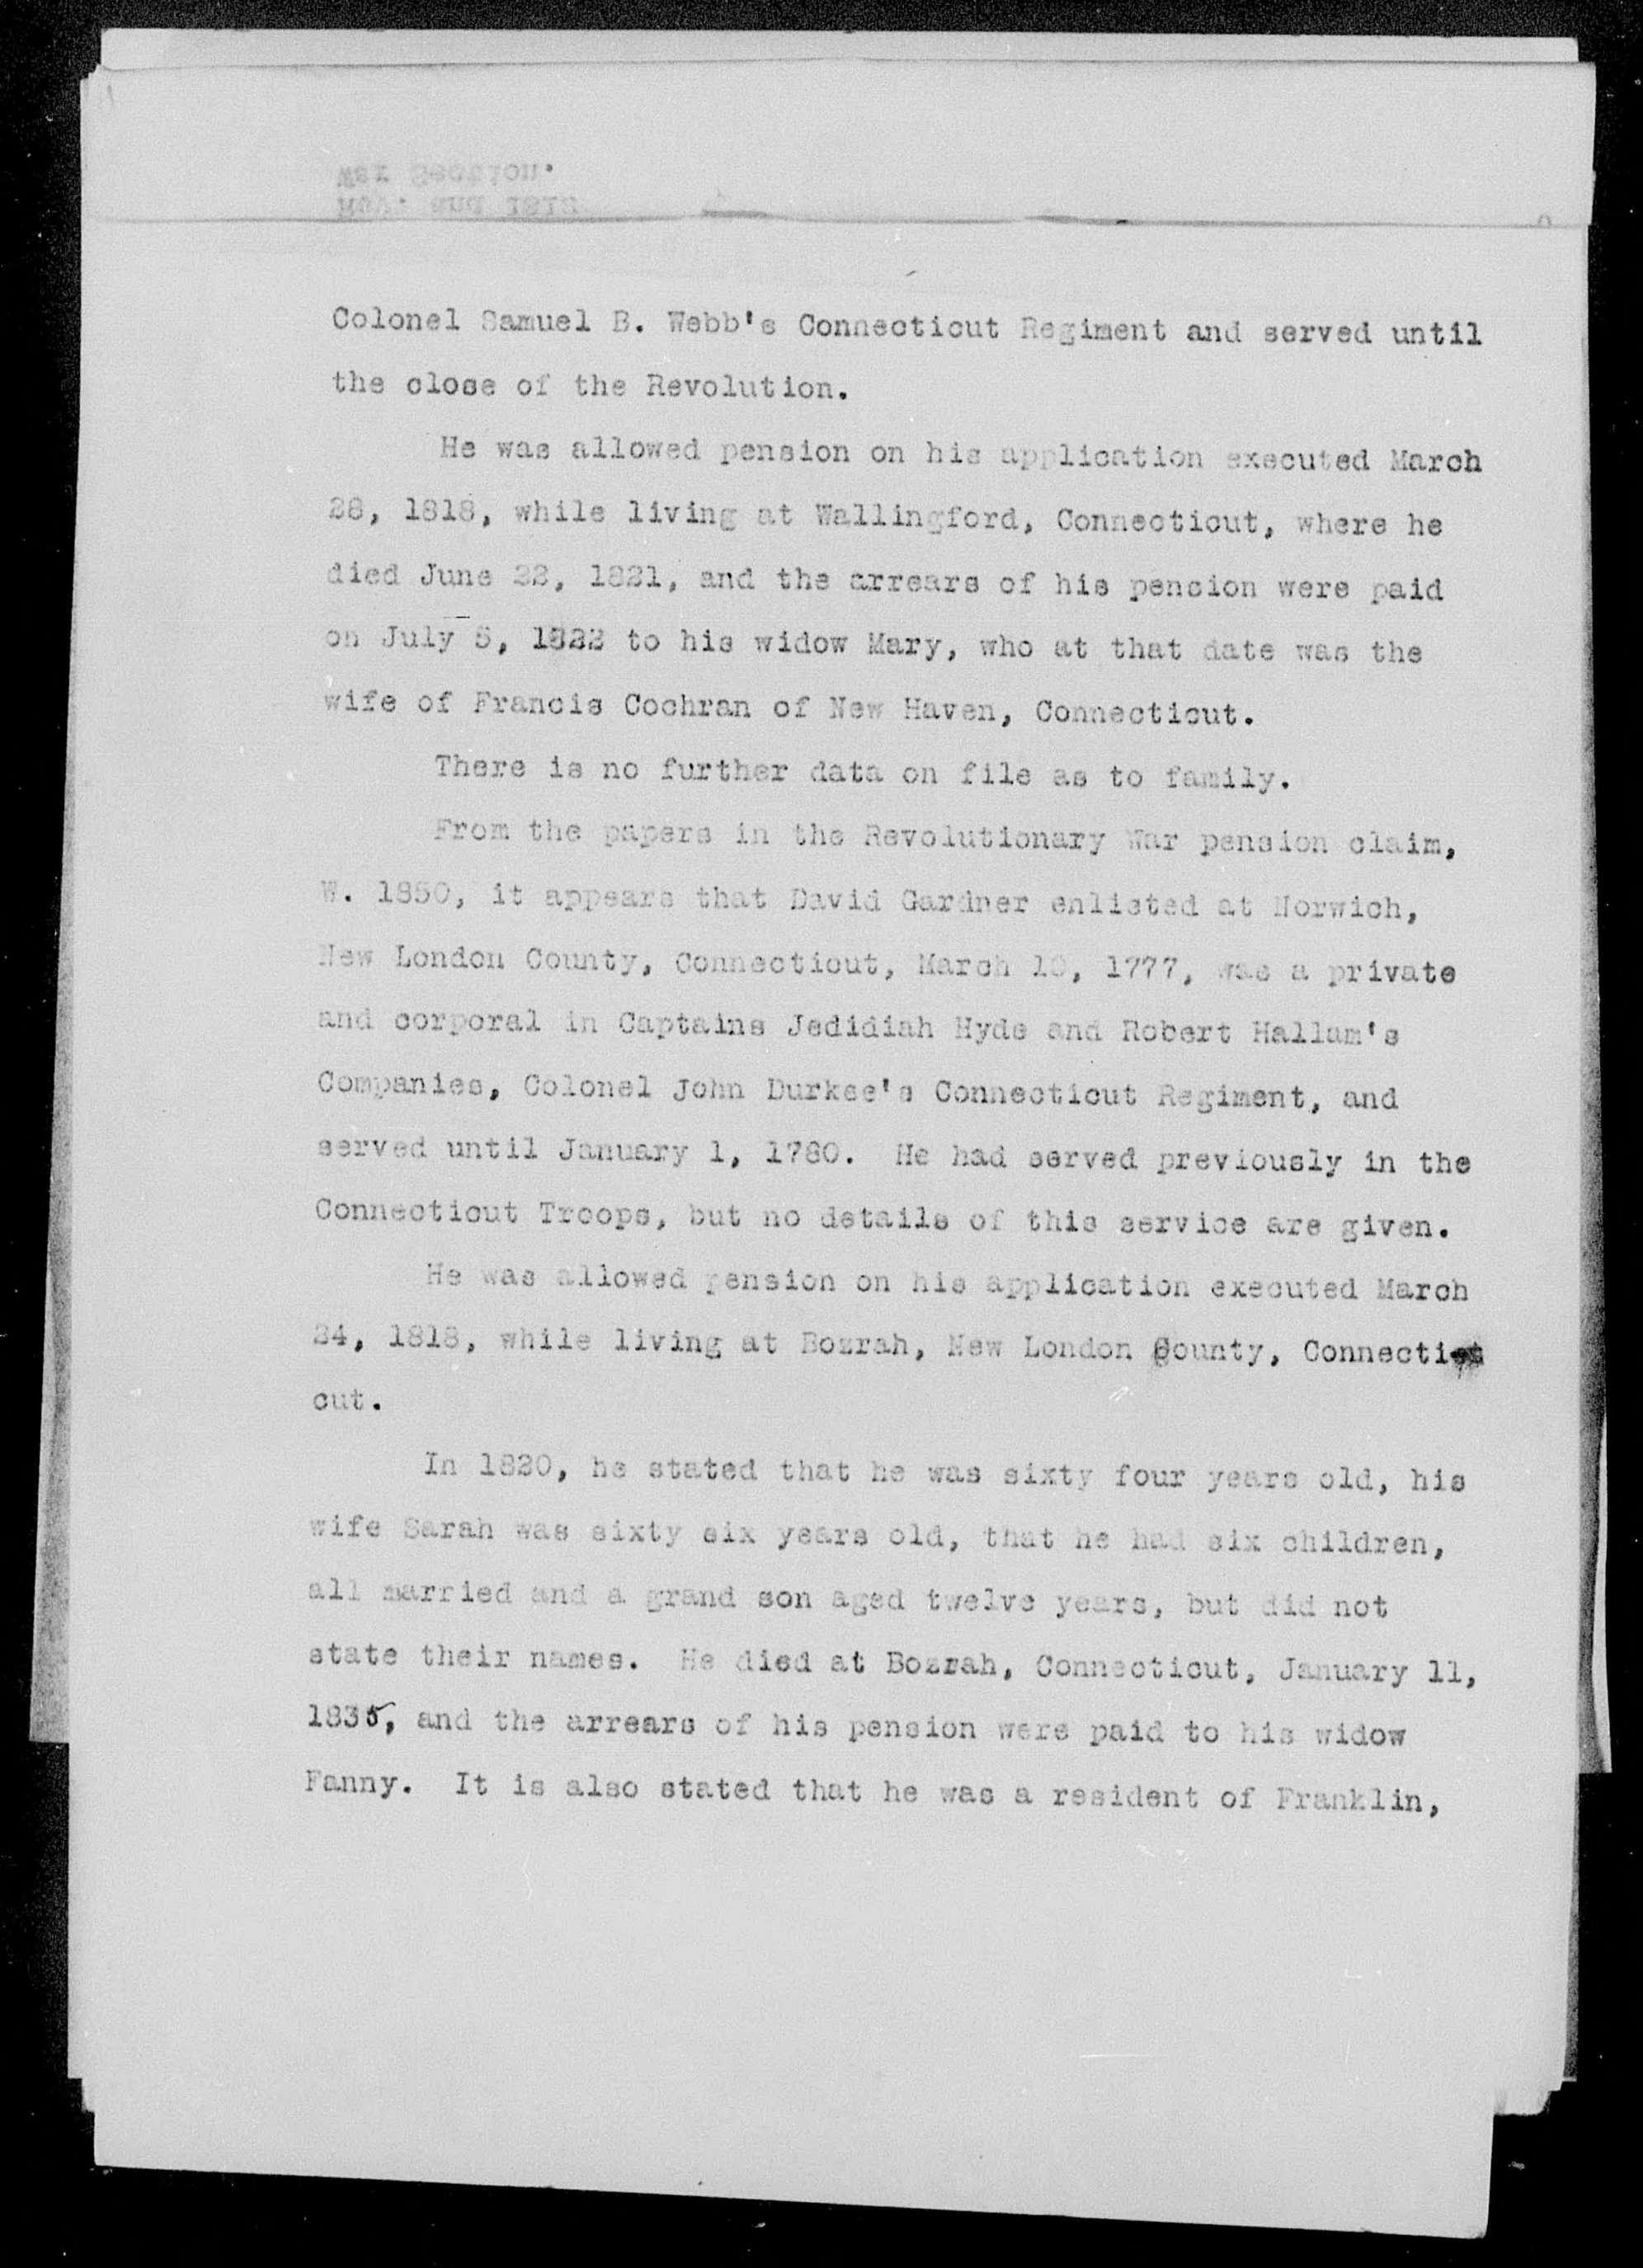[Typed document]
Colonel Samuel B. Webb's Connecticut Regiment and served until
the close of the Revolution,
He was allowed pension on his application executed March
28, 1818, while living at Wallingford, Connecticut, where he
died June 23, 1821, and the arrears of his pension were paid
on July 5, 1822 to his widow Mary, who at that date was the
wife of Francis Cochran of New Haven, Connecticut.
There is no further data on file as to family,
From the papers in the Revolutionary War pension claim,
W. 1850, it appears that David Gardner enlisted at Norwich,
New London County, Connecticut, March 10, 1777, was a private
and corporal in Captains Jedidiah Hyde and Robert Hallam's
Companies, Colonel John Durkee's Connecticut Regiment, and
served until January 1, 1780. He had served previously in the
Connecticut Troops, but no details of this service are given.
He was allowed pension on his application executed March
24, 1818, while living at Bozrah, New London County, Connecticut.
In 1820, he stated that he was sixty four years old, his
wife Sarah was sixty six years old, that he had six children,
all married and a grand son aged twelve years, but did not
state their names. He died at Bozrah, Connecticut, January 11,
1835 [Handwritten 5], and the arrears of his pension were paid to his widow
Fanny. It is also stated that he was a resident of Franklin,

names: Fanny, Mary, Francis Cochran, Sarah, David Gardner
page: 30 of 66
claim: widow's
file: W 1850, David Gardner, Conn.